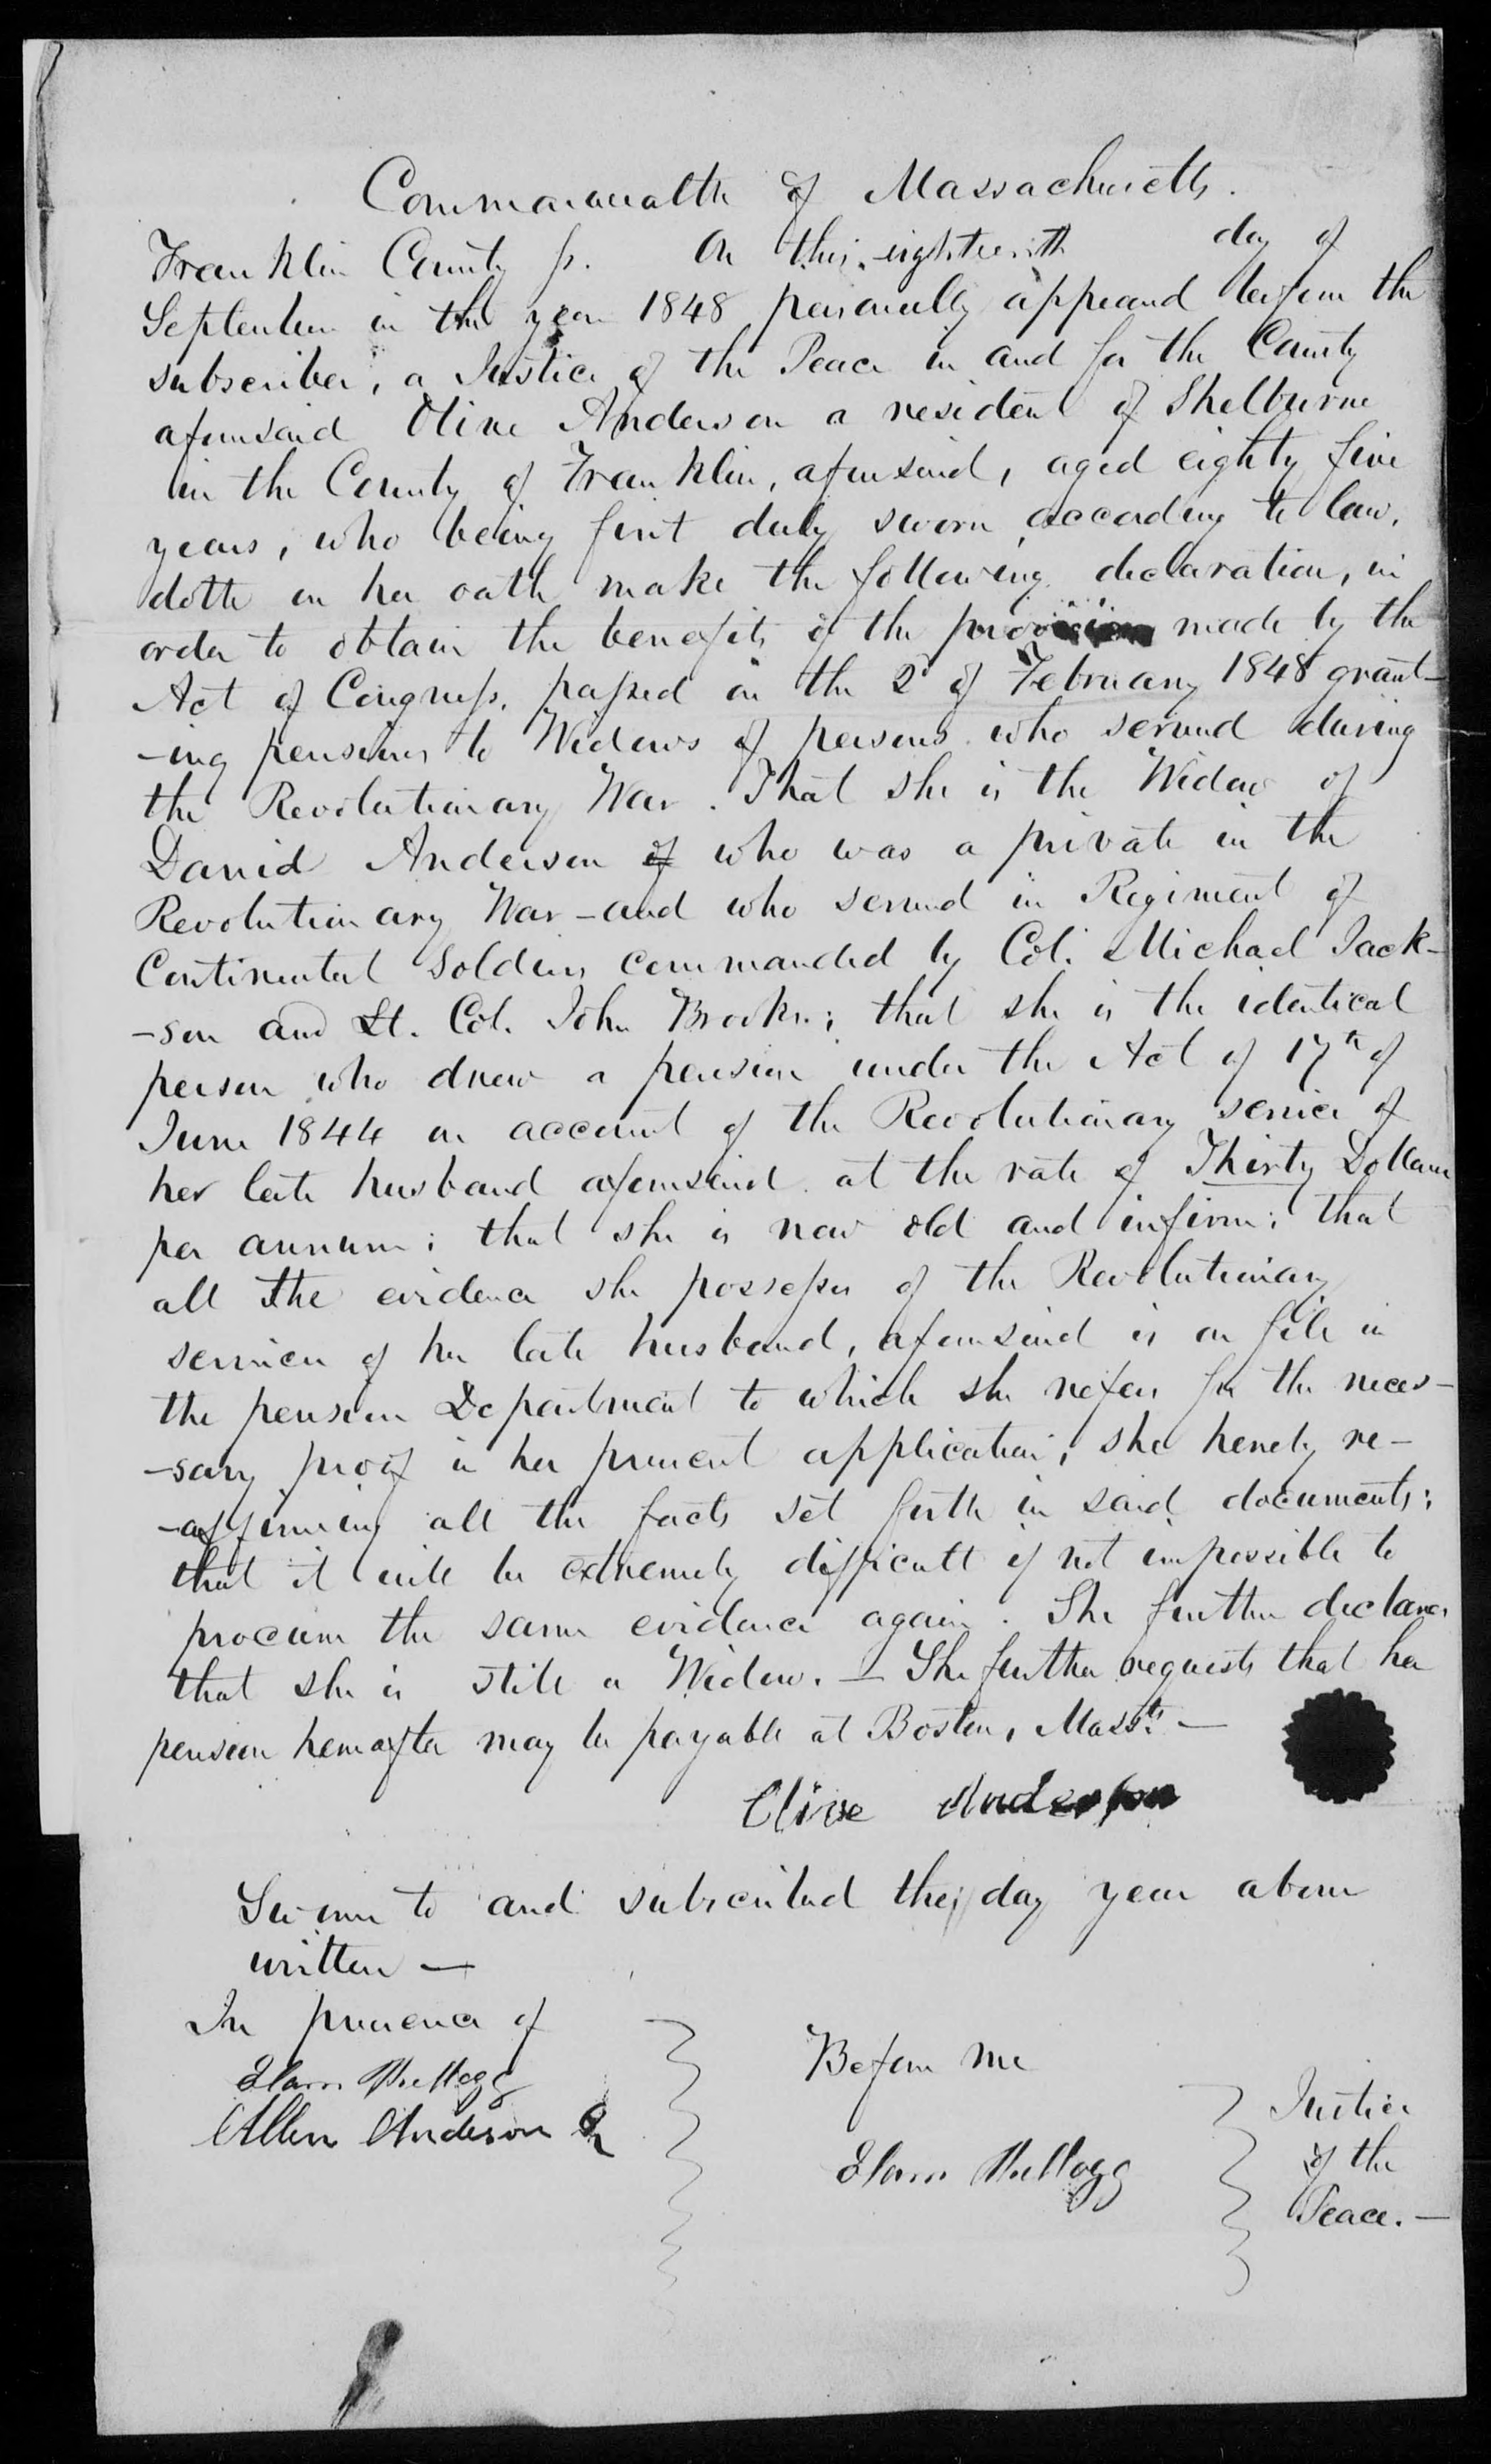Commonwealth of Massachusetts
Franklin County ss  
On this eighteenth day of
September in the year 1848 personally appeared before the
subscriber, a Justice of the Peace in and for the County
aforesaid Olive Anderson a resident of Shelburne
in the County of Franklin aforesaid, aged eighty five
years, who being first duly sworn according to law
doth on her oath make the following declaration, in
order to obtain the benefits of the provision made by the
Act of Congress passed in the 2d of February 1848 granting
pensions to Widows of persons who served during the
Revolutionary War. That she is the Widow of
David Anderson who was a private in the
Revolutionary war and who served in Regiment of
Continental Soldiers commanded by Col. Michael Jackson
and Lt. Col. John Brooks that she is the identical
person who drew a pension under the Act of 17th of
June 1844 on account of the Revolutionary service of
her late husband aforesaid at the rate of Thirty Dollars
per annum; that she is now old and infirm that
all the evidence she possesses of the Revolutionary
service of her late husband aforesaid is on file in
the pension Department to which she refers for the necessary
proof in her present application, she hereby reaffirming
all the facts set forth in said documents:
that it will be extremely difficult if not impossible to
procure the same evidence again. She further declares
that she is still a Widow. She further requests that her
pension hereafter may be payable at Boston, Mass.
Olive Anderson  [affixed spiky seal]
Sworn to and subscribed the day year above
written -
In presence of
Elam Kellogg
Allen Anderson 

Before me
Elam Kellogg
Justice of the Peace.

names: Elam Kellogg, Olive Anderson, Allen Andeson, Elam Kellogg, John Brooks, Olive Anderson, David Anderson, Michael Jackson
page: 39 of 39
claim: widow's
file: W. 20624, David Anderson, Mass